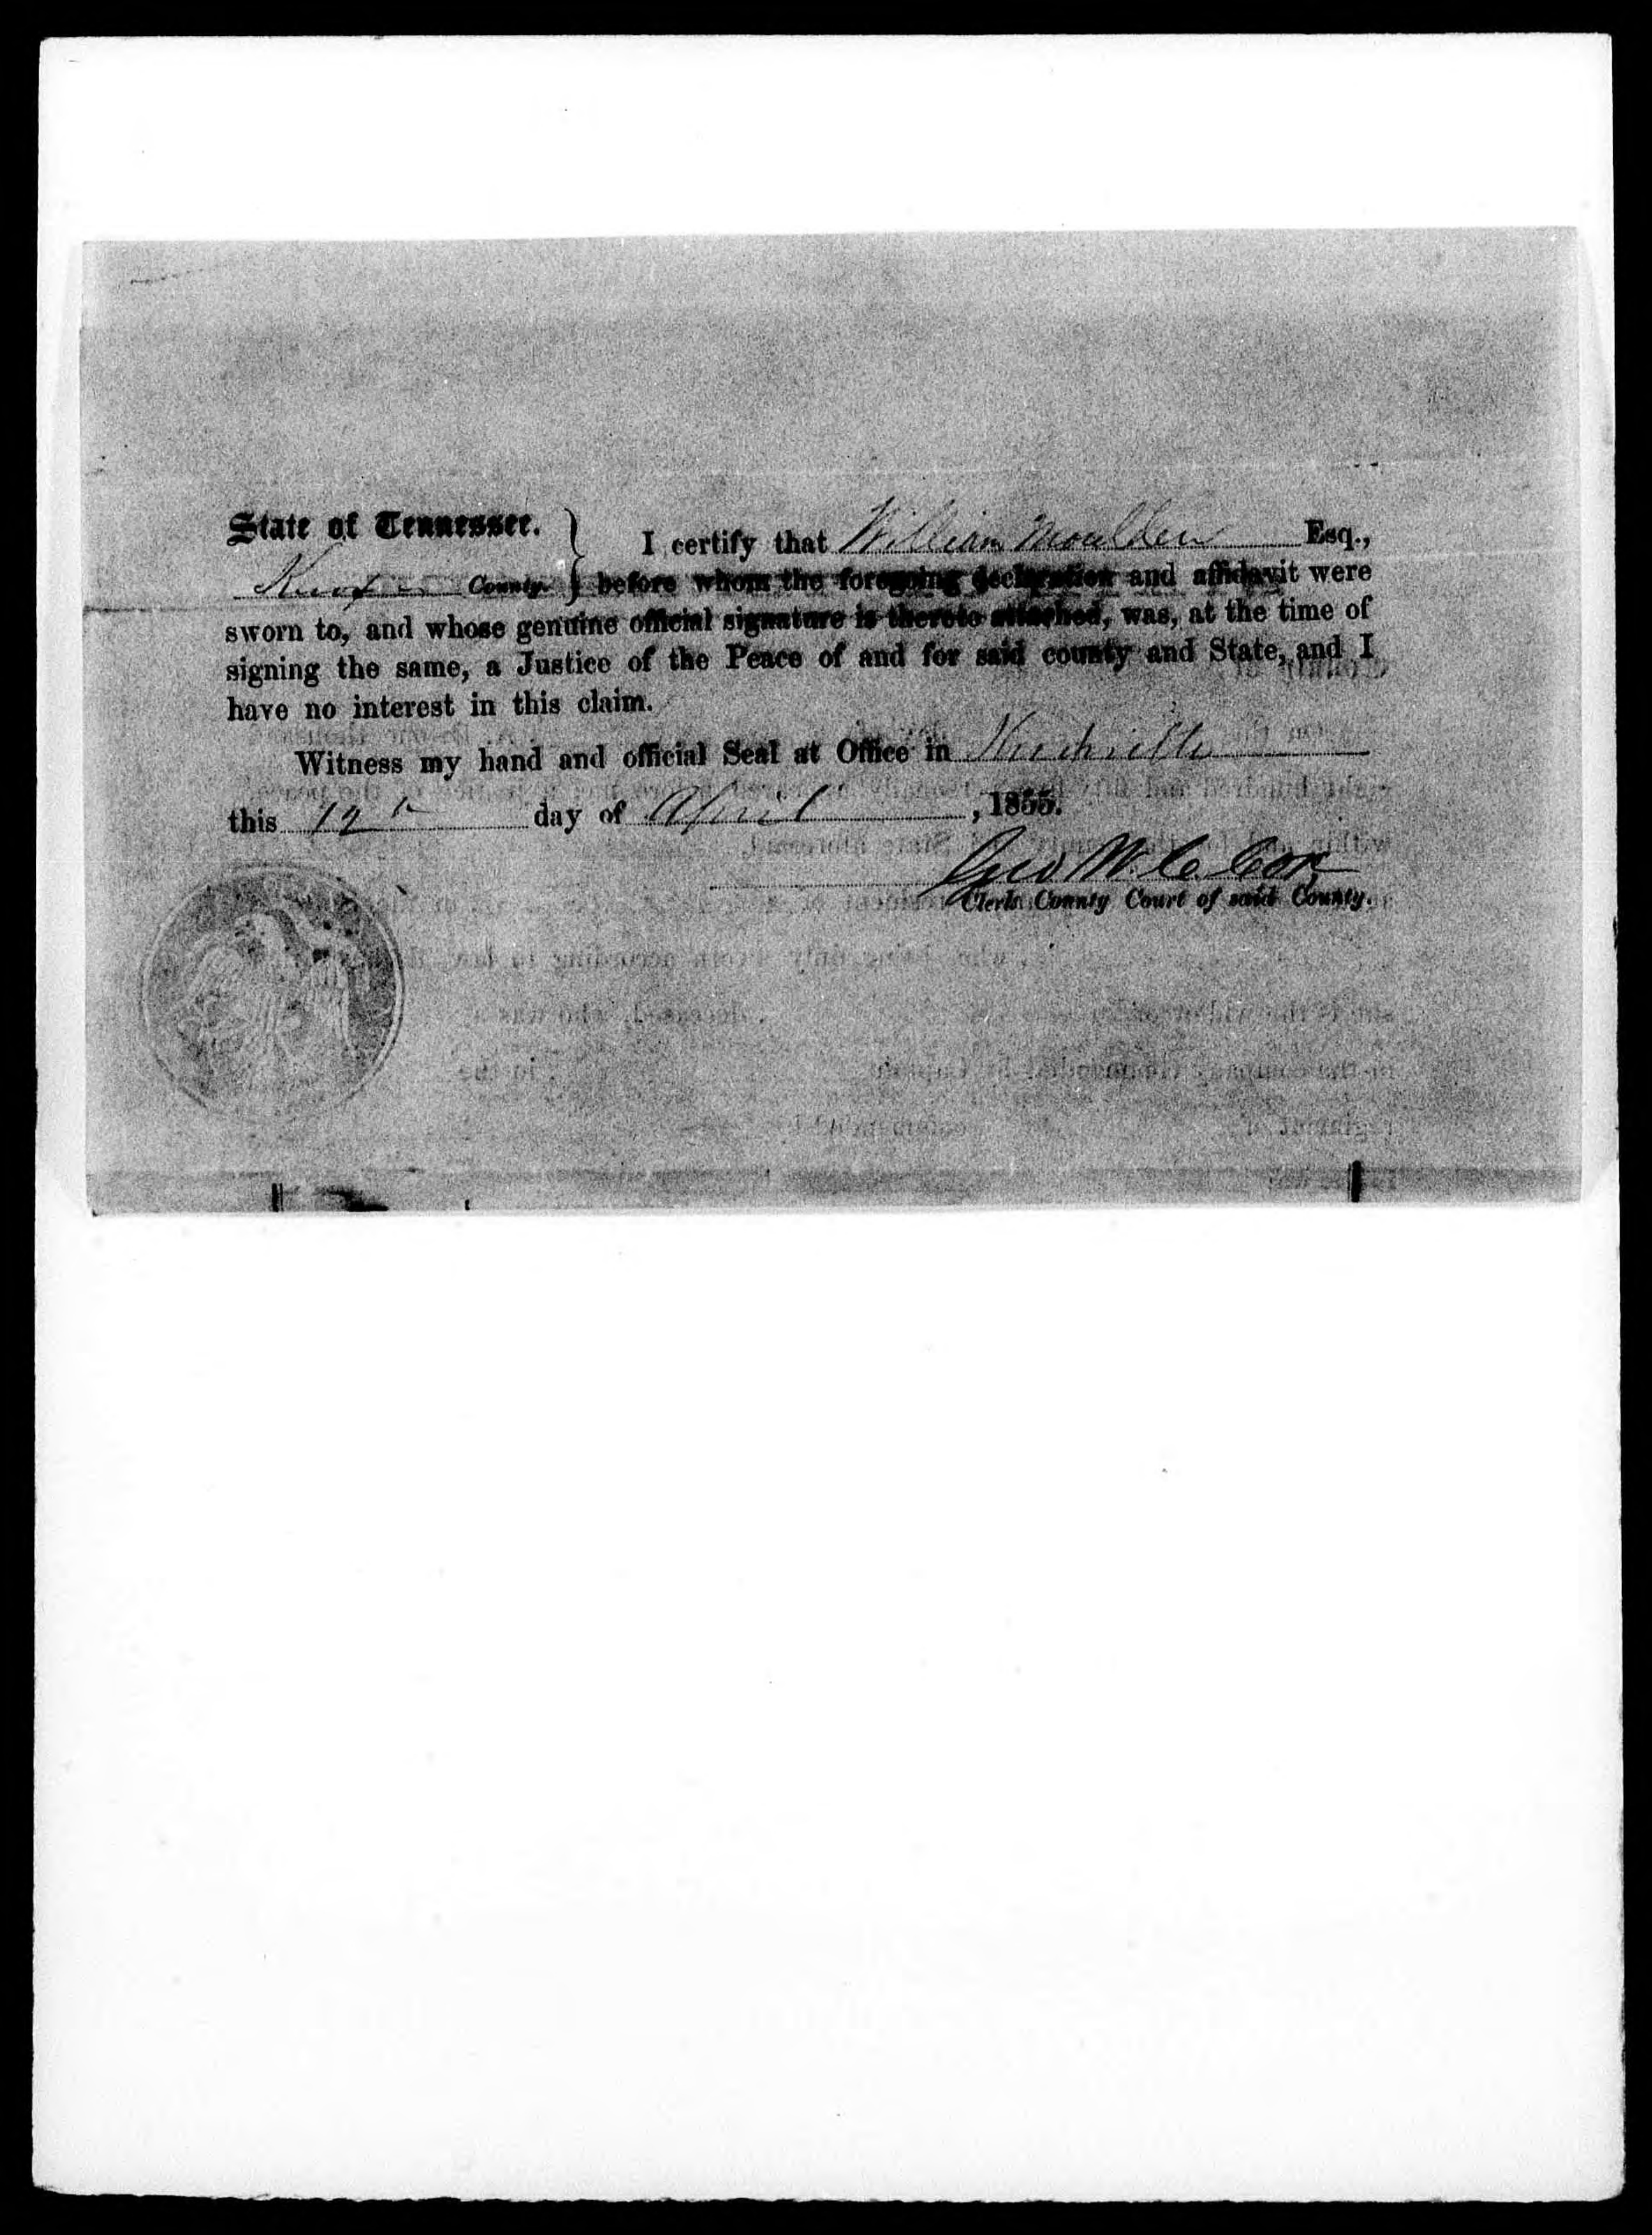State of Tennessee}
Knox County         }

I certify that William Moulden Esq., before whom the foregoing declaration and affidavit were sworn to, and whose genuine official signature is thereto attached, was at the time of signing the same, a Justice of the Peace of and for said county and State, and I have no interest in this claim.

Witness my hand and official Seal at Office in Knoxville, this 12th day of April, 1855.

Geo W. C. Cox
Clerk County Court of said County

(symbol of Seal)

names: William Moulden, Geo W C Cox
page: 10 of 24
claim: rejected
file: R. 4684, Simon Harris, Va.